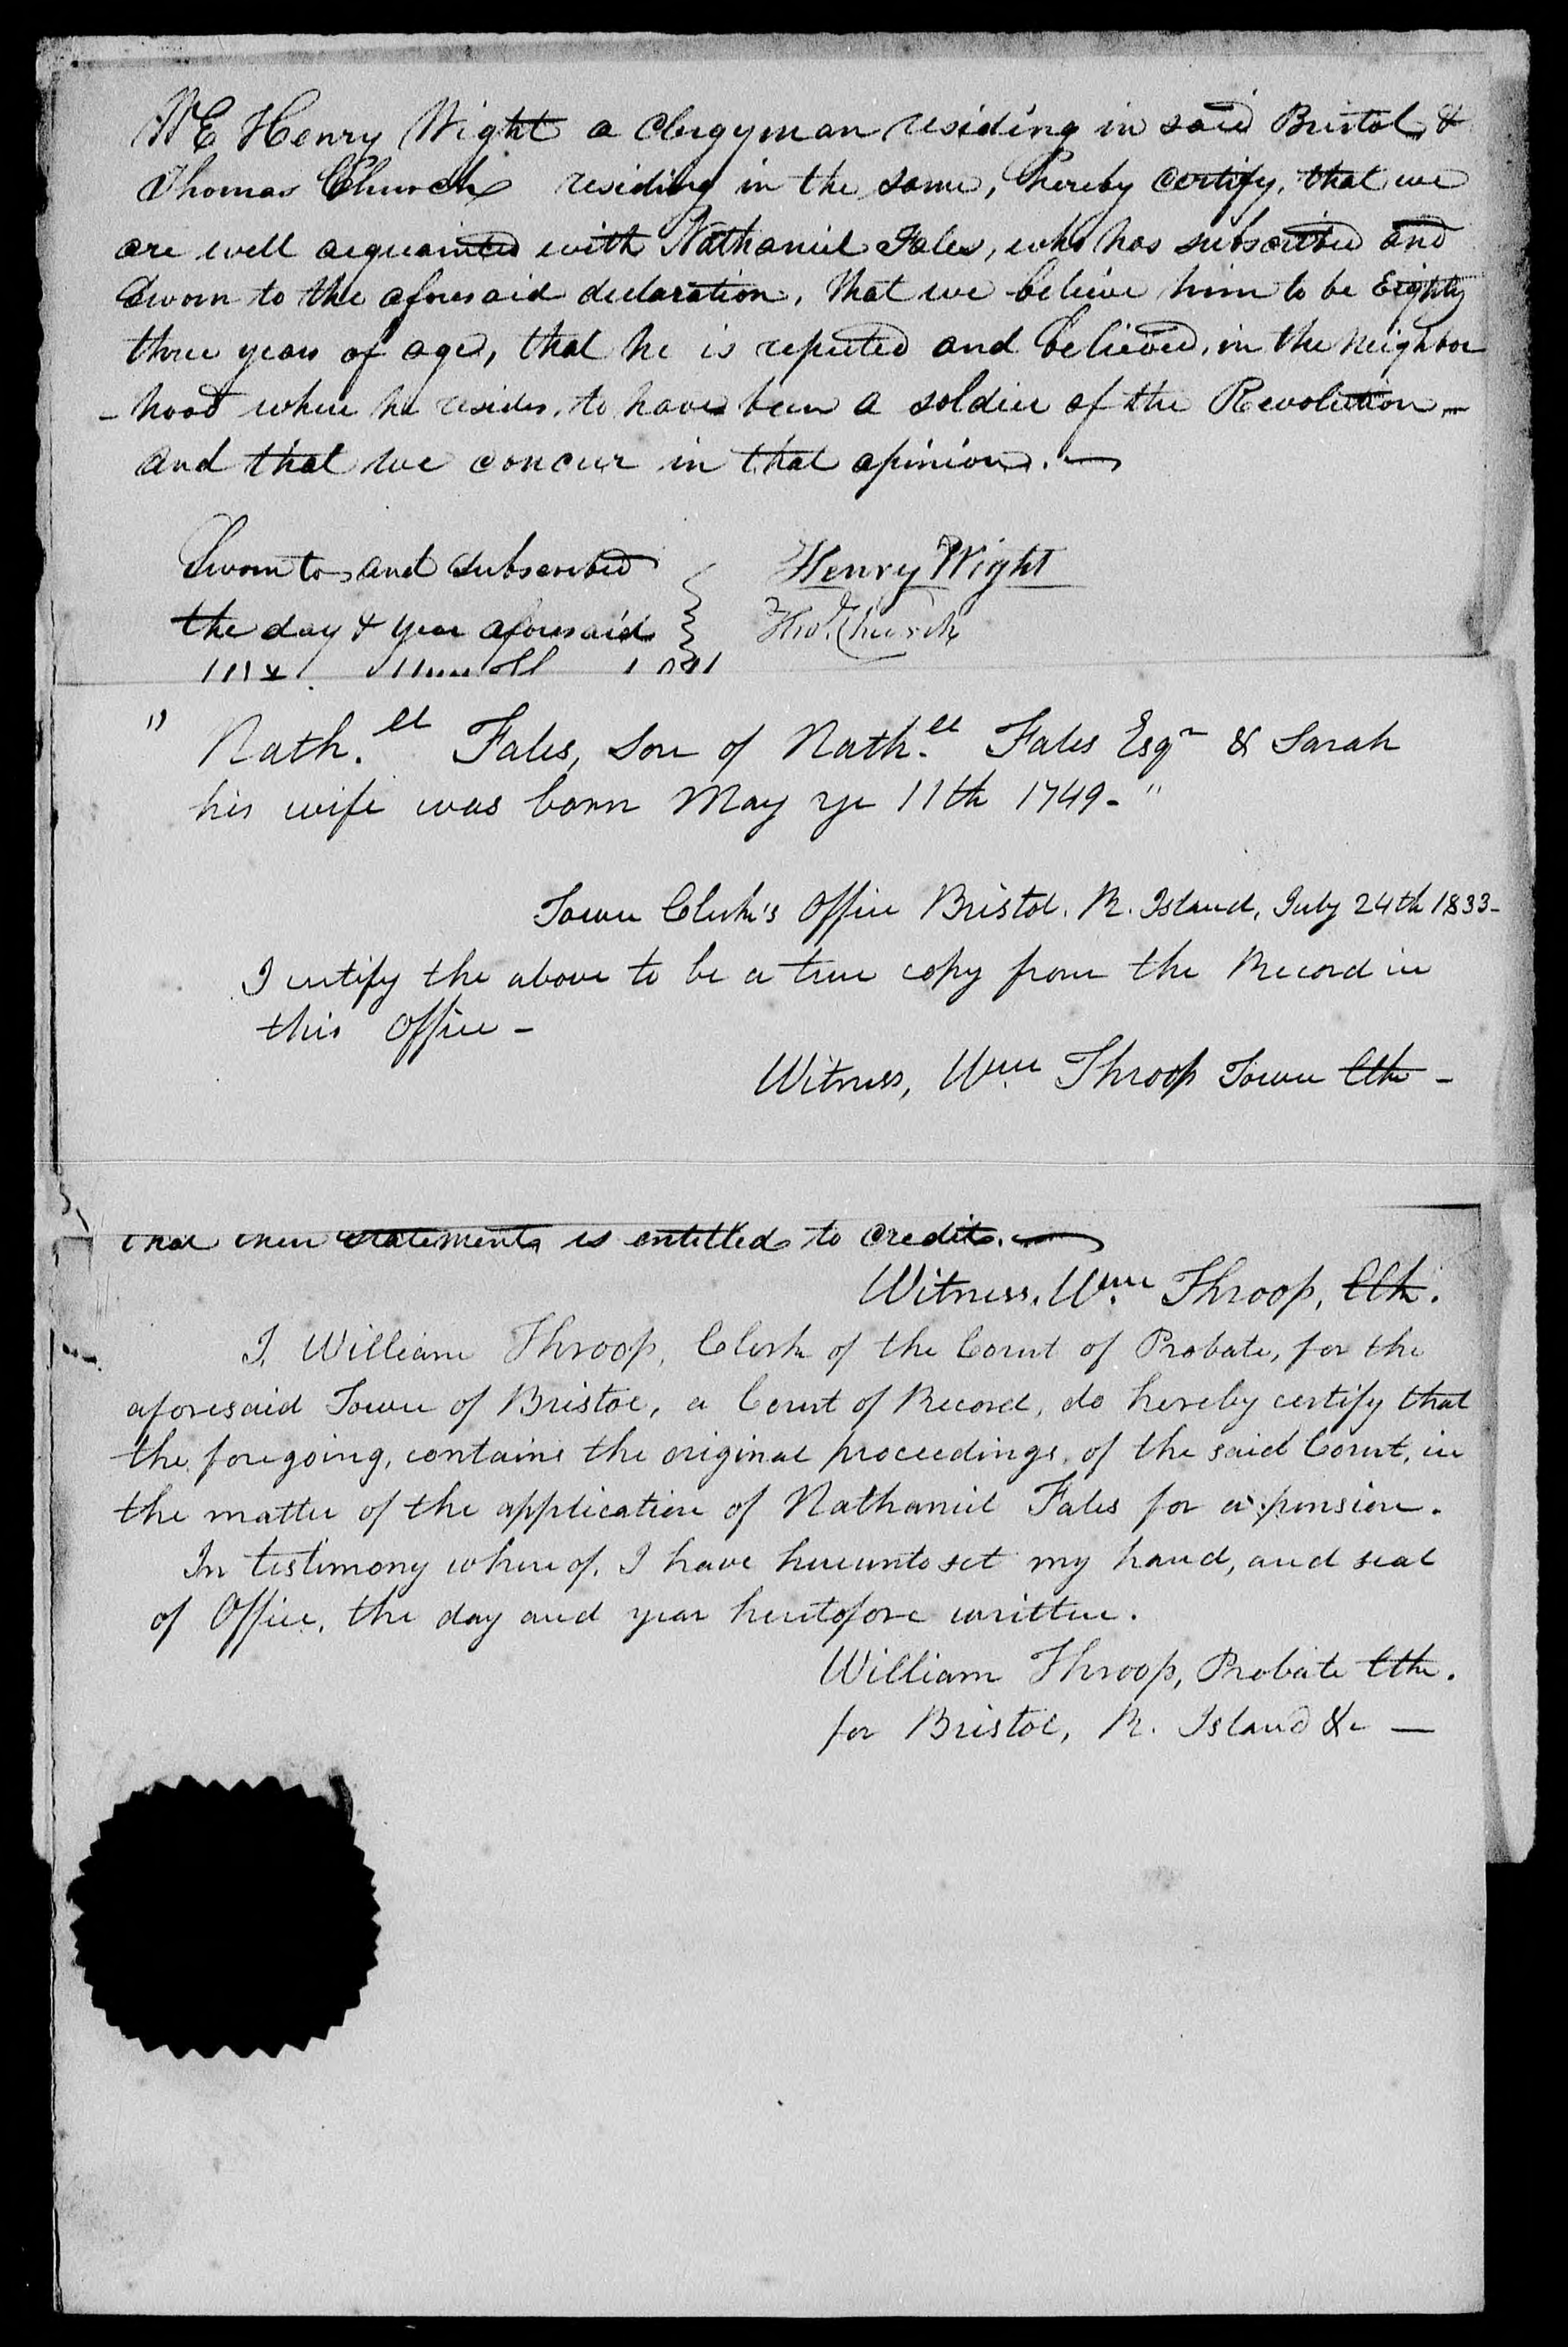I [?] Henry Wight a clergyman residing in said Bristol & Thomas Church residing in the same, hereby certify, that we are well acquainted with Nathaniel Fales, who has subscribed and sworn to the aforesaid declaration, that we believe him to be Eighty three years of age, that he is reputed and believed, in the neighborhood where he resides, to have been a soldier of the Revolution - and that we concur in that opinion. --

Sworn to and subscribed} Henry Wight 
the day & year aforesaid}  [illegible]
[words obscured by fold]

"Nath. el Fales, Son of Nath. el Fales Esq- & Sarah his wife was born May yr 11th 1749.

Town Clerk's office Bristol. R. Island, July 24th 1833. 
I certify the above to be a true copy from the Record in this office - 
Witness, Wm Throop Town Clk -

Witness. Wm. Throop, Clk.
I, William Throop, Clerk of the Court of Probate, for the aforesaid Town of Bristol, a Court of Record, do hereby certify that the foregoing, contains the original proceedings of the said court, in the matter of the application of Nathaniel Fales for a pension. In testimony whereof, I have hereunto set my hand , and seal of Office, the day and year heretofore written.
William Throop, Probate Clk. for Bristol, R. Island Lc -

[seal]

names: Sarah, Wm Throop, Henry Wight, Nathel Fales, William Throop, Nathaniel Fales, Thos Church, Henry Wight, Wm Throop, Thomas Church, Nathel Fales, Nathaniel Fales, William Throop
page: 5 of 32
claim: widow's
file: W. 24,173, Nathaniel Fales, R.I.